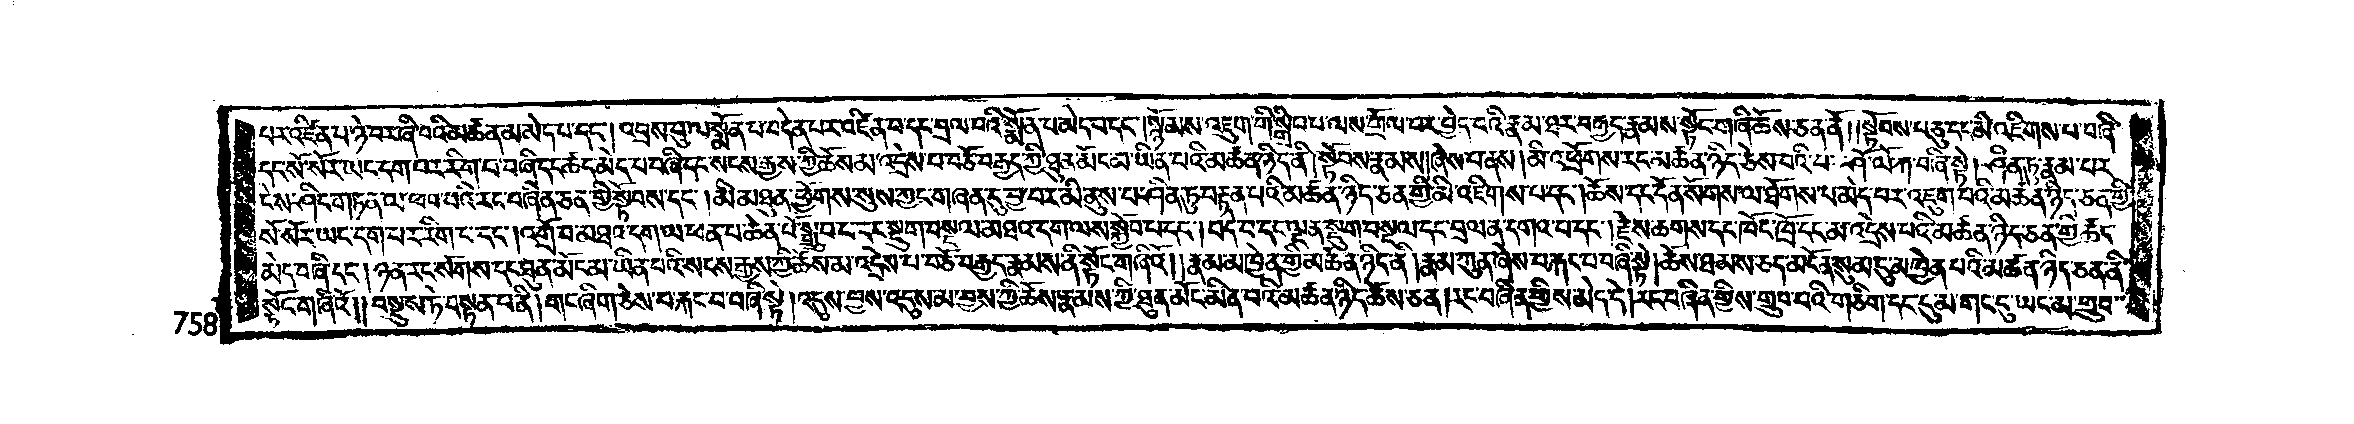པར་འཛིན་པ་ཉེ་བར་ཞི་བའི་མཚན་མ་མེད་པ་དང་། འབྲས་བུ་ལ་སྨོན་པ་བདེན་པར་འཛིན་པ་དང་བྲལ་བའི་སྨོན་པ་མེད་པ་དང་། སྙོམས་འཇུག་གི་སྒྲིབ་པ་ལས་གྲོལ་བར་བྱེད་པའི་རྣམ་ཐར་བརྒྱད་རྣམས་སྟོང་གཞི་ཆོས་ཅན་ནོ། །སྟོབས་བཅུ་དང་མི་འཇིགས་པ་བཞི་
དང་སོ་སོར་ཡང་དག་པར་རིག་པ་བཞི་དང་ཚད་མེད་པ་བཞི་དང་སངས་རྒྱས་ཀྱི་ཆོས་མ་འདྲེས་པ་བཅོ་བརྒྱད་ཀྱི་ཐུན་མོང་མ་ཡིན་པའི་མཚན་ཉིད་ནི། སྟོབས་རྣམས། །ཞེས་པ་ནས། མི་འཕྲོགས་རང་མཚན་ཉིད་ཅེས་པའི་པ་ཤོ་ལོ་ཀ་བཞི་སྟེ། ཤིན་ཏུ་རྣམ་པར་
ངེས་ཤིང་གཏན་ལ་ཕབ་པའི་རང་བཞིན་ཅན་གྱི་སྟོབས་དང་། མི་མཐུན་ཕྱོགས་སུས་ཀྱང་གཞན་དུ་བྱ་བར་མི་ནུས་པ་ཤིན་ཏུ་བརྟན་པའི་མཚན་ཉིད་ཅན་གྱི་མི་འཇིགས་པ་དང་། ཆོས་དང་དོན་སོགས་ལ་ཐོགས་པ་མེད་པར་འཇུག་པའི་མཚན་ཉིད་ཅན་གྱི་
སོ་སོར་ཡང་དག་པར་རིག་པ་དང་། འགྲོ་བ་མཐའ་དག་ལ་ཕན་པ་ཆེན་པོ་སྒྲུབ་པ་དང་སྡུག་བསྔལ་མཐའ་དག་ལས་སྐྱོབ་པ་དང་། བདེ་བ་དང་ལྡན་སྡུག་བསྔལ་དང་བྲལ་ན་དགའ་བ་དང་། རྗེས་ཆགས་དང་ཁོང་ཁྲོ་དང་མ་འདྲེས་པའི་མཚན་ཉིད་ཅན་གྱི་ཚད་
མེད་བཞི་དང་། ཉན་རང་སོགས་དང་ཐུན་མོང་མ་ཡིན་པའི་སངས་རྒྱས་ཀྱི་ཆོས་མ་འདྲེས་པ་བཅོ་བརྒྱད་རྣམས་ནི་སྟོང་གཞིའོ། །རྣམ་མཁྱེན་གྱི་མཚན་ཉིད་ནི། རྣམ་ཀུན་ཞེས་པ་རྐང་པ་བཞི་སྟེ། ཆོས་ཐམས་ཅད་མངོན་སུམ་དུ་མཁྱེན་པའི་མཚན་ཉིད་ཅན་ནི་
སྟོང་གཞིའོ། །བསྡུས་ཏེ་བསྟན་པ་ནི། གང་ཞིག་ཅེས་པ་རྐང་པ་བཞི་སྟེ། འདུས་བྱས་འདུས་མ་བྱས་ཀྱི་ཆོས་རྣམས་ཀྱི་ཐུན་མོང་མིན་པའི་མཚན་ཉིད་ཆོས་ཅན། རང་བཞིན་གྱིས་མེད་དེ། རང་བཞིན་གྱིས་གྲུབ་པའི་གཅིག་དང་དུ་མ་གང་དུ་ཡང་མ་གྲུབ་